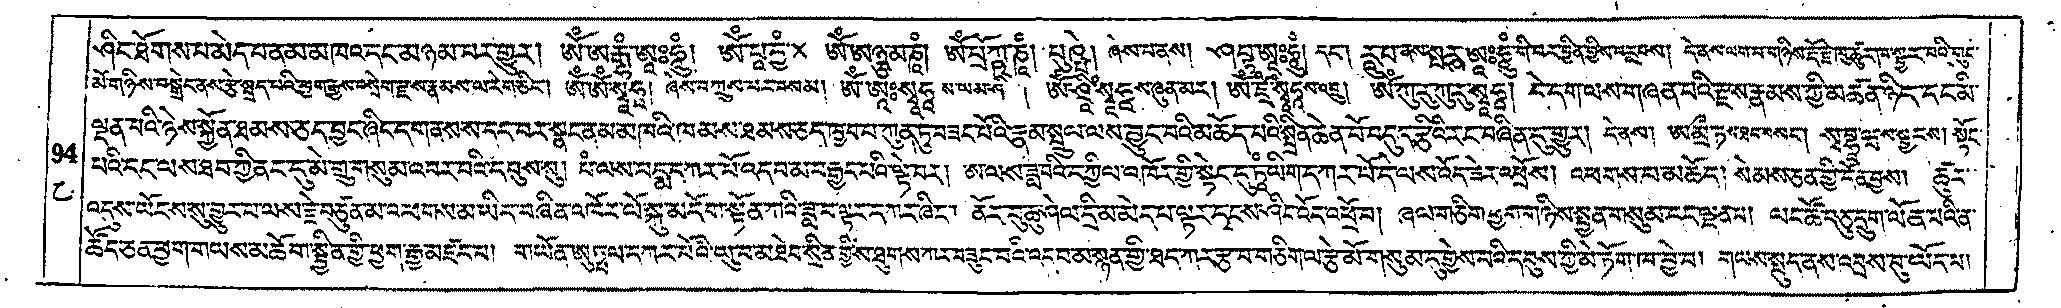ཤིང་ཐོགས་པ་མེད་པ་ནམ་མཁའ་དང་མཉམ་པར་གྱུར། ཨོཾ་ཨརྒྷཾ་ཨཱཿཧཱུཾ། ཨོཾ་པཱདྱཾ་྾་ཨོཾ་ཨཉྩ་མ་ཎཱཾ། ཨོཾ་པྲོཀྵ་ཎཱཾ། པུཥྤེ། ཞེས་པ་ནས།  ཤཔྟ་ཨཱཿཧཱུཾ། དང་།  རཱུ་པ་ནས་སྤརྵ་ཨཱཿ ཧཱུཾ་གི་བར་བྱིན་གྱིས་བརླབས། དེ་ནས་ལག་པ་གཉིས་རྡོ་རྗེ་ཁུ་ཚུར་ཁ་སྦྱར་བའི་གུང་་་
མོ་གཉིས་བསྒྲེང་ནས་རྩེ་སྤྲད་པའི་ཕྱག་རྒྱས་བསྲེག་རྫས་རྣམས་ལ་རེག་ཅིང་། ཨོཾ་ཨོཾ་སྭཱཧཱ། ཞེས་བཀྲུས་པར་བསམ།  ཨོཾ་ཨཱཿསྭཱཧཱས་ཡམ་ཤི།  ཨོཾ་ཥྲཱི་སྭཱཧཱ་ས་ཞུན་མར།  ཨོཾ་ཛྲི་སྭཱཧཱ་ས་འབྲུ། ཨོཾ་ཀུ་རུ་ཀུ་རུ་སྭཱཧཱ། དེ་དག་ལས་གཞན་པའི་རྫས་རྣམས་ཀྱི་མཚན་ཡིད་དང་མི་
ལྡན་པའི་ཉེས་སྐྱོན་ཐམས་ཅད་བྱང་ཞིང་དག་ནས་ས་དང་བར་སྣང་ནམ་མཁའི་ཁམས་ཅད་ཁྱབ་པ་ཀུན་ཏུ་བཟང་པོའི་རྣམ་སྤྲུལ་ལས་བྱུང་བའི་མཆོད་པའི་སྤྲིན་ཆེན་པོ་བདུད་རྩིའི་རང་བཞིན་དུ་གྱུར། དེ་ནས། ཨམྲི་ཏ་ས་ཐབ་བསང་། སྭ་བྷཱ་ཝས་སྦྱངས།  སྟོང་
པའི་ངང་ལས་ཐབ་ཀྱིས་ནང་དུ་མེ་གྲུ་གསུམ་འབར་བའི་དབུས་སུ། པཾ་ལས་པདམ་དཀར་པོ་འདབ་མ་བརྒྱད་པཱི་ལྟེ་བར། ཨ་ལས་ཟླ་བའི་དཀྱིལ་འཁོར་གྱི་སྟེང་དུ་ཏཱཾ་ཡིག་དཀར་པོ་དེ་ལས་འོད་ཟེར་འཕྲོས། འཕགས་པ་མཆོད། སེམས་ཅན་གྱི་དོན་བྱས། ཚུར་་་
འདུས་ཡོངས་སུ་གྱུར་པ་ལས་རྗེ་བཙུན་མ་འཕགས་མ་ཡིད་བཞིན་འཁོར་ལོ་སྐུ་མདོག་སྟོན་ཀའི་ཟླ་བ་ལྟར་དཀར་ཞིང་། ནོར་བུ་ཆུ་ཤེལ་དྲི་མ་མེད་པ་ལྟར་དྭངས་ཤིང་འོད་འཕྲོ་བ། ཞལ་གཅིག་ཕྱག་གཉིས་སྤྱན་གསུམ་དང་ལྡན་པ། ལང་ཚོ་བཅུ་དྲུག་ལོན་པའི་ན་
ཚོད་ཅན་ཕྱག་གཡས་མཆོག་སྦྱིན་གྱི་ཕྱག་རྒྱ་མཛད་པ། གཡོན་ཨུཏྤ་ལ་དཀར་པོའི་ཡུ་བ་མཐེབ་སྲིན་གྱིས་ཐུགས་ཀར་བཟུང་བའི་འདབ་མ་སྙན་གྱི་ཐད་ཀར་རྩ་བ་གཅིག་ལ་རྩེ་མོ་གསུམ་དུ་གྱེས་པའི་དབུས་ཀྱི་མེ་ཏོག་ཁ་བྱེ་བ། གཡས་སྤུད་ནས་འབྲས་བུ་ཉོད་པ།